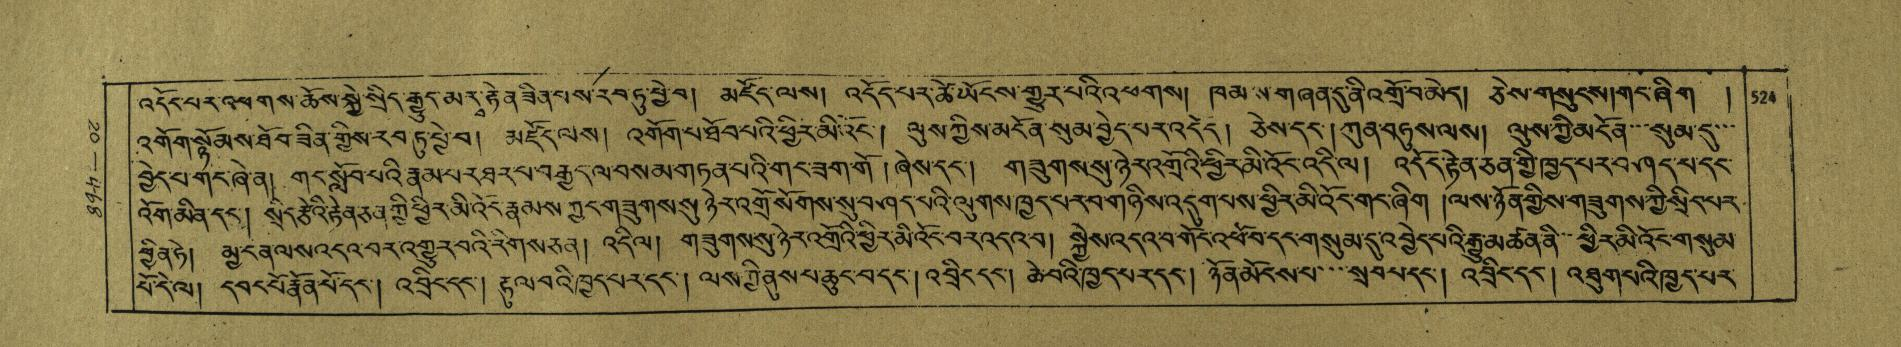འདོད་པར་འཕགས་ཆོས་སྐྱེ་སྲིད་རྒྱུད་མར་རྟེན་ཟིན་པས་རབ་ཏུ་ཕྱེ་བ། མཛོད་ལས། འདོད་པར་ཚེ་ཡོངས་གྱུར་པའི་འཕགས། ཁམས་གཞན་དུ་ནི་འགྲོ་བ་མེད། ཅེས་གསུངས། གང་ཞིག །
འགོག་སྙོམས་ཐོབ་ཟིན་གྱིས་རབ་ཏུ་ཕྱེ་བ། མཛོད་ལས། འགོག་པ་ཐོབ་པའི་ཕྱིར་མི་འོང་། ལུས་ཀྱིས་མངོན་སུམ་བྱེད་པར་འདོད། ཅེས་དང་། ཀུན་བཏུས་ལས། ལུས་ཀྱི་མངོན་སུམ་དུ་
བྱེད་པ་གང་ཞེ་ན། གང་སློབ་པའི་རྣམ་པར་ཐར་པ་བརྒྱད་ལ་བསམ་གཏན་པའི་གང་ཟག་གོ། ཞེས་དང་། གཟུགས་སུ་ཉེར་འགྲོའི་ཕྱིར་མི་འོང་འདི་ལ། འདོད་རྟེན་ཅན་གྱི་ཁྱད་པར་བཤད་པ་དང་
འོག་མིན་དང་། སྲིད་རྩེའི་རྟེན་ཅན་གྱི་ཕྱིར་མི་འོང་རྣམས་ཀྱང་གཟུགས་སུ་ཉེར་འགྲོ་སོགས་སུ་བཤད་པའི་ལུགས་ཁྱད་པར་བ་གཉིས་འདུག་པས་ཕྱིར་མི་འོང་གང་ཞིག །ལས་ཉོན་གྱིས་གཟུགས་ཀྱི་སྲིད་པར་
ཕྱིན་ཏེ། མྱ་ངན་ལས་འདའ་བར་འགྱུར་བའི་རིགས་ཅན། འདི་ལ། གཟུགས་སུ་ཉེར་འགྲོའི་ཕྱིར་མི་འོང་བར་འདའ་བ། སྐྱེས་འདའ་བ་གོང་འཕོ་བ་དང་གསུམ་དུ་འབྱེད་པའི་རྒྱུ་མཚན་ནི་ཕྱིར་མི་འོང་གསུམ་
པོ་དེ་ལ། དབང་པོ་རྣོན་པོ་དང་། འབྲིང་དང་། རྟུལ་བའི་ཁྱད་པར་དང་། ལས་ཀྱི་ནུས་པ་ཆུང་བ་དང་། འབྲིང་དང་། ཆེ་བའི་ཁྱད་པར་དང་། ཉོན་མོངས་པ་སྲབ་པ་དང་། འབྲིང་དང་། འཐུག་པའི་ཁྱད་པར་